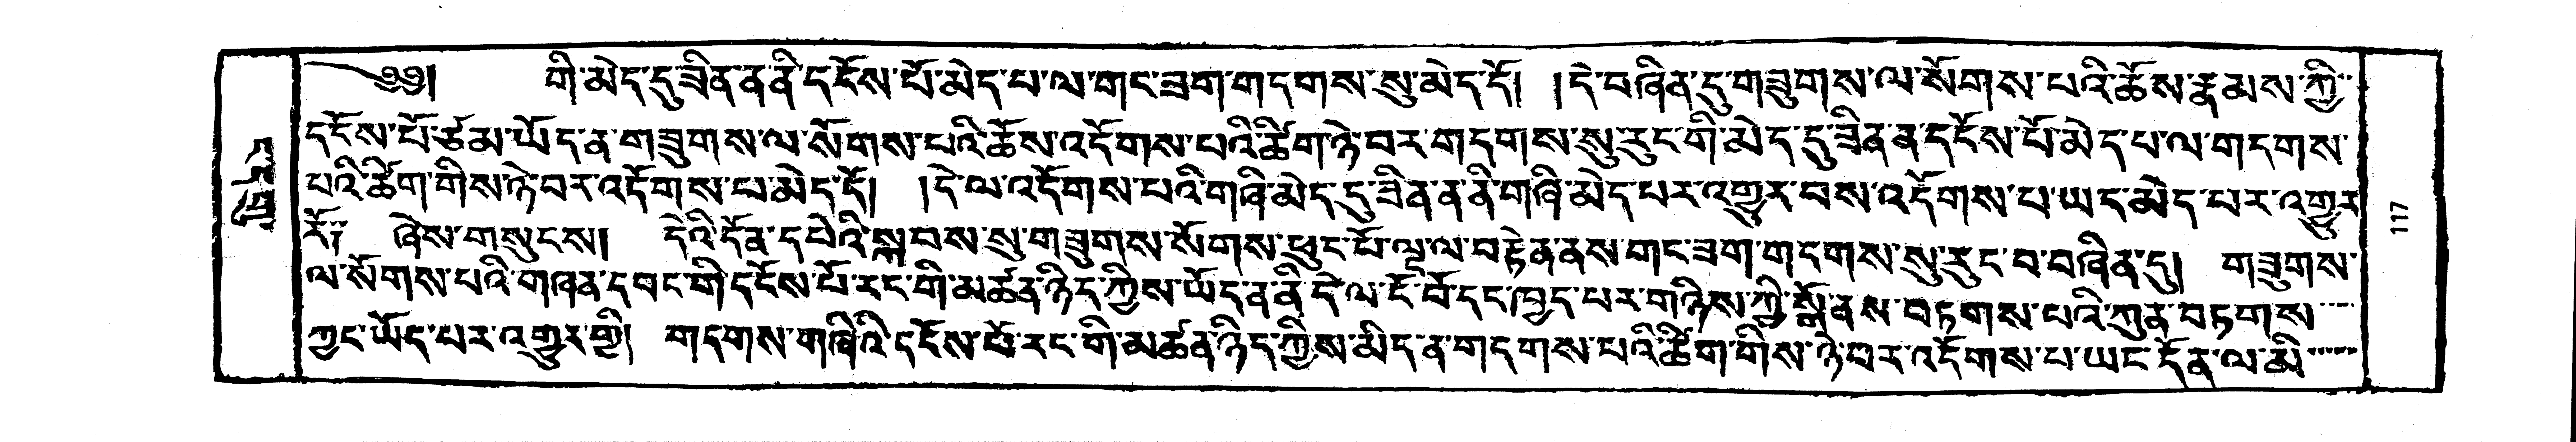༄༅། །གི་མེད་དུ་ཟིན་ན་ནི་དངོས་པོ་མེད་པ་ལ་གང་ཟག་གདགས་སུ་མེད་དོ། །དེ་བཞིན་དུ་གཟུགས་ལ་སོགས་པའི་ཆོས་རྣམས་ཀྱི་
དངོས་པོ་ཙམ་ཡོད་ན་གཟུགས་ལ་སོགས་པའི་ཆོས་འདོགས་པའི་ཚིག་ཉེ་བར་གདགས་སུ་རུང་གི་མེད་དུ་ཟིན་ན་དངོས་པོ་མེད་པ་ལ་གདགས་
པའི་ཚིག་གིས་ཉེ་བར་འདོགས་པ་མེད་དོ། །དེ་ལ་འདོགས་པའི་གཞི་མེད་དུ་ཟིན་ན་ནི་གཞི་མེད་པར་འགྱུར་བས་འདོགས་པ་ཡང་མེད་པར་འགྱུར་
རོ། ཞེས་གསུངས། དེའི་དོན་དཔེའི་སྐབས་སུ་གཟུགས་སོགས་ཕུང་པོ་ལྔ་ལ་བརྟེན་ནས་གང་ཟག་གདགས་སུ་རུང་བ་བཞིན་དུ། གཟུགས་
ལ་སོགས་པའི་གཞན་དབང་གི་དངོས་པོ་རང་གི་མཚན་ཉིད་ཀྱིས་ཡོད་ན་ནི་དེ་ལ་ངོ་བོ་དང་ཁྱད་པར་གཉིས་ཀྱི་སྒོ་ནས་བཏགས་པའི་ཀུན་བཏགས་
ཀྱང་ཡོད་པར་འགྱུར་གྱི། གདགས་གཞིའི་དངོས་པོ་རང་གི་མཚན་ཉིད་ཀྱིས་མིད་ན་གདགས་པའི་ཚིག་གིས་ཉེ་བར་འདོགས་པ་ཡང་དོན་ལ་མི་